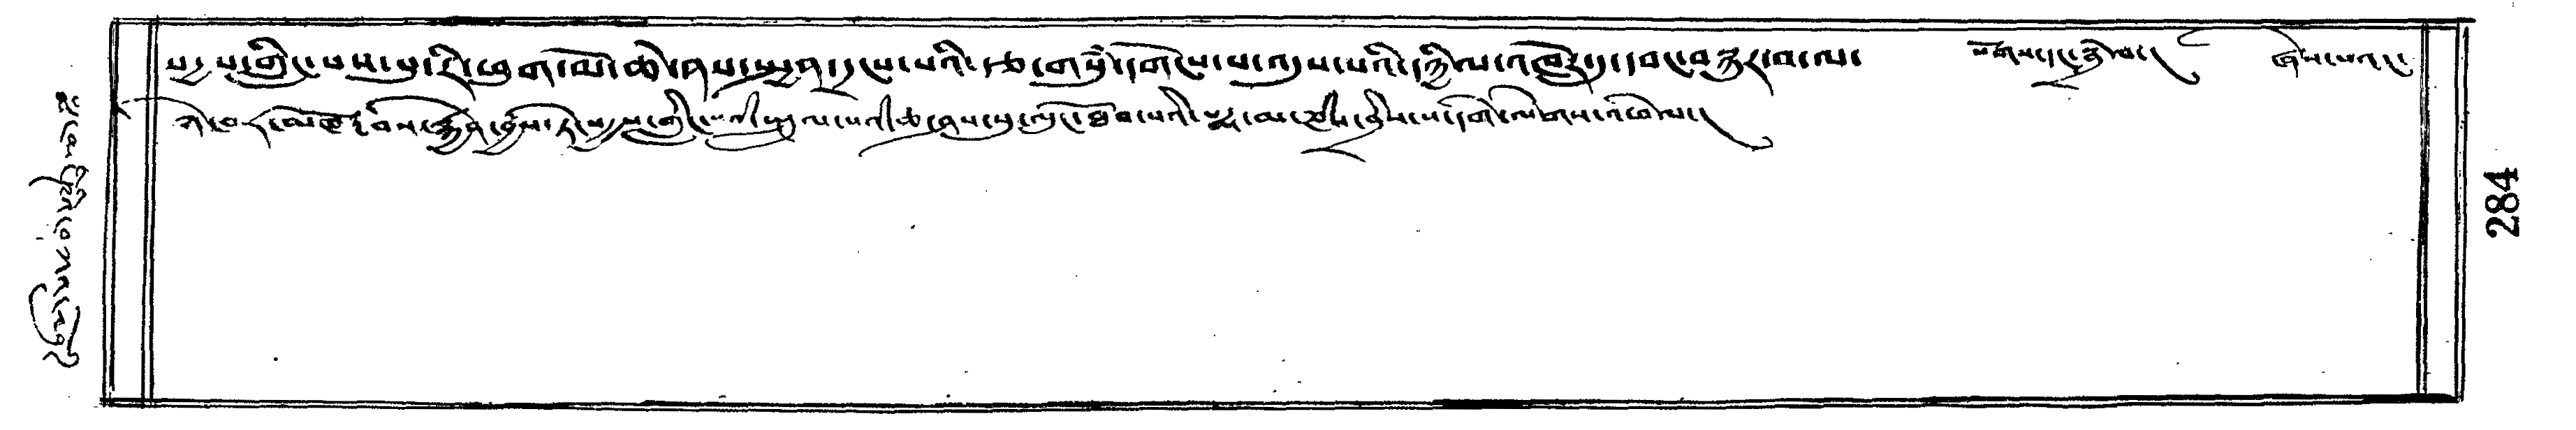སངས་རྒྱས་གླིང་པས་པུ་རི་ཕུག་མོ་ཆེ་ནས་སྤྱན་དྲངས་པའི་རྩ་གསུམ་དགོངས་པ་འདུས་པའི་དཀྱིལ་འཁོར་དུ་དབང་བསྐུར་བ་ལ༔ སོགས་དང་སྦྲེལ། ཞེས་པའང་
ཉེ་བར་མཁོ་བས་རྐྱེན་བྱས་ཏེ་སངས་རྒྱས་གླིང་པའི་སྤྲུལ་པའི་ཆ་ཤས་སུ་ལུང་ཐོབ་པ་པདྨ་མ་ཎིས་བྲིས་པ་དགེ་ལེགས་འཕེལ།། བཀྲ་ཤིས།།